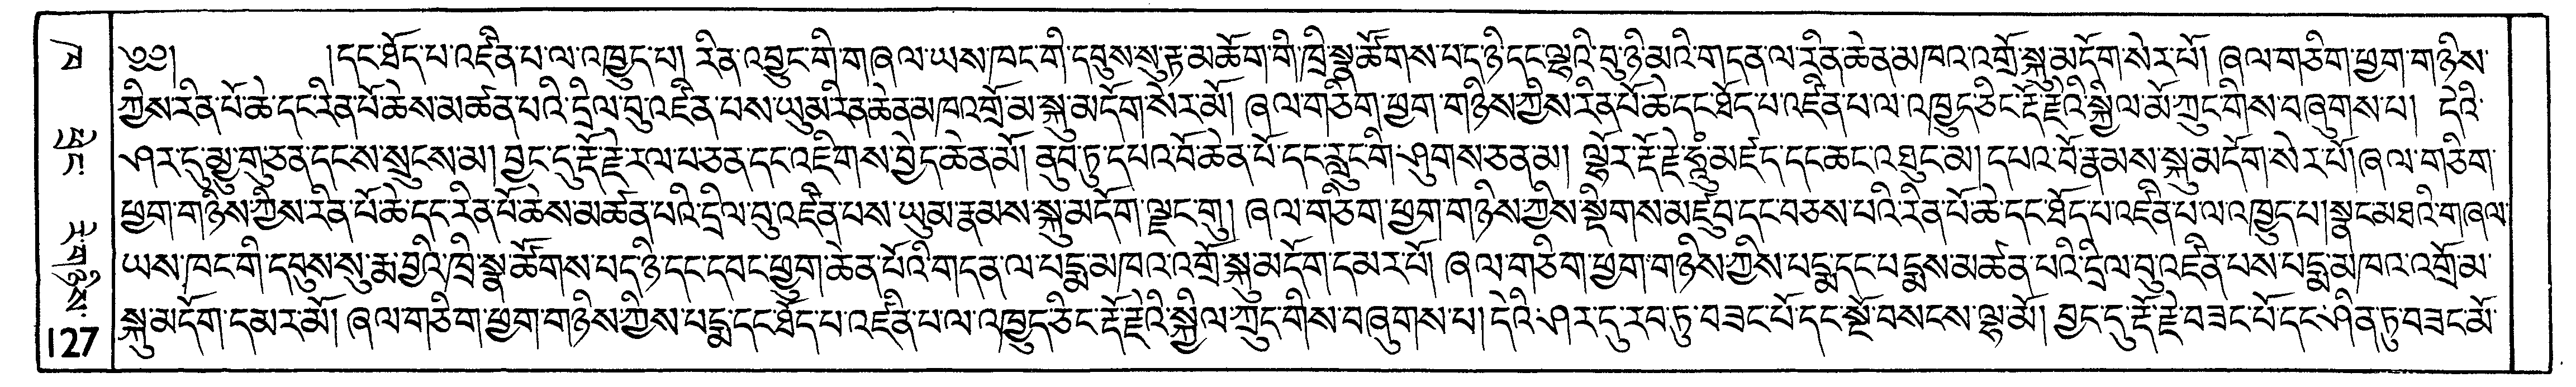༄༅། །དང་ཐོད་པ་འཛིན་པ་ལ་འཁྱུད་པ། རིན་འབྱུང་གི་གཞལ་ཡས་ཁང་གི་དབུས་སུ་རྟ་མཆོག་གི་ཁྲི་སྣ་ཚོགས་པད་ཉི་དང་ལྷའི་བུ་ཉི་མའི་གདན་ལ་རིན་ཆེན་མཁའ་འགྲོ་སྐུ་མདོག་སེར་པོ། ཞལ་གཅིག་ཕྱག་གཉིས་
ཀྱིས་རིན་པོ་ཆེ་དང་རིན་པོ་ཆེས་མཚན་པའི་དྲིལ་བུ་འཛིན་པས་ཡུམ་རིན་ཆེན་མཁའ་གྲོ་མ་སྐུ་མདོག་སེར་མོ། ཞལ་གཅིག་ཕྱག་གཉིས་ཀྱིས་རིན་པོ་ཆེ་དང་ཐོད་པ་འཛིན་པ་ལ་འཁྱུད་ཅིང་རྡོ་རྗེའི་སྐྱིལ་མོ་ཀྲུང་གིས་བཞུགས་པ། དེའི་
ཤར་དུ་མྱུ་གུ་ཅན་དང་ས་སྲུངས་མ། བྱང་དུ་རྡོ་རྗེ་རལ་པ་ཅན་དང་འཇིགས་བྱེད་ཆེན་མོ། ནུབ་ཏུ་དཔའ་བོ་ཆེན་པོ་དང་རླུང་གི་ཤུགས་ཅན་མ། ལྷོར་རྡོ་རྗེ་ཧཱུཾ་མཛད་དང་ཆང་འཐུང་མ། དཔའ་བོ་རྣམས་སྐུ་མདོག་སེར་པོ། ཞལ་གཅིག་
ཕྱག་གཉིས་ཀྱིས་རིན་པོ་ཆེ་དང་རིན་པོ་ཆེས་མཚན་པའི་དྲིལ་བུ་འཛིན་པས་ཡུམ་རྣམས་སྐུ་མདོག་ལྗང་གུ །ཞལ་གཅིག་ཕྱག་གཉིས་ཀྱིས་སྡིགས་མཛུབ་དང་བཅས་པའི་རིན་པོ་ཆེ་དང་ཐོད་པ་འཛིན་པ་ལ་འཁྱུད་པ། སྣང་མཐའི་གཞལ་
ཡས་ཁང་གི་དབུས་སུ་རྨ་བྱའི་ཁྲི་སྣ་ཚོགས་པད་ཉི་དང་དབང་ཕྱུག་ཆེན་པོའི་གདན་ལ་པདམ་མཁའ་འགྲོ་སྐུ་མདོག་དམར་པོ། ཞལ་གཅིག་ཕྱག་གཉིས་ཀྱིས་པདམ་དང་པདམས་མཚན་པའི་དྲིལ་བུ་འཛིན་པས་པདམ་མཁའ་འགྲོ་མ་
སྐུ་མདོག་དམར་མོ། ཞལ་གཅིག་ཕྱག་གཉིས་ཀྱིས་པདམ་དང་ཐོད་པ་འཛིན་པ་ལ་འཁྱུད་ཅིང་རྡོ་རྗེའི་སྐྱིལ་ཀྲུང་གིས་བཞུགས་པ། དེའི་ཤར་དུ་རབ་ཏུ་བཟང་པོ་དང་སྔོ་བསངས་ལྷ་མོ། བྱང་དུ་རྡོ་རྗེ་བཟང་པོ་དང་ཤིན་ཏུ་བཟང་མོ་